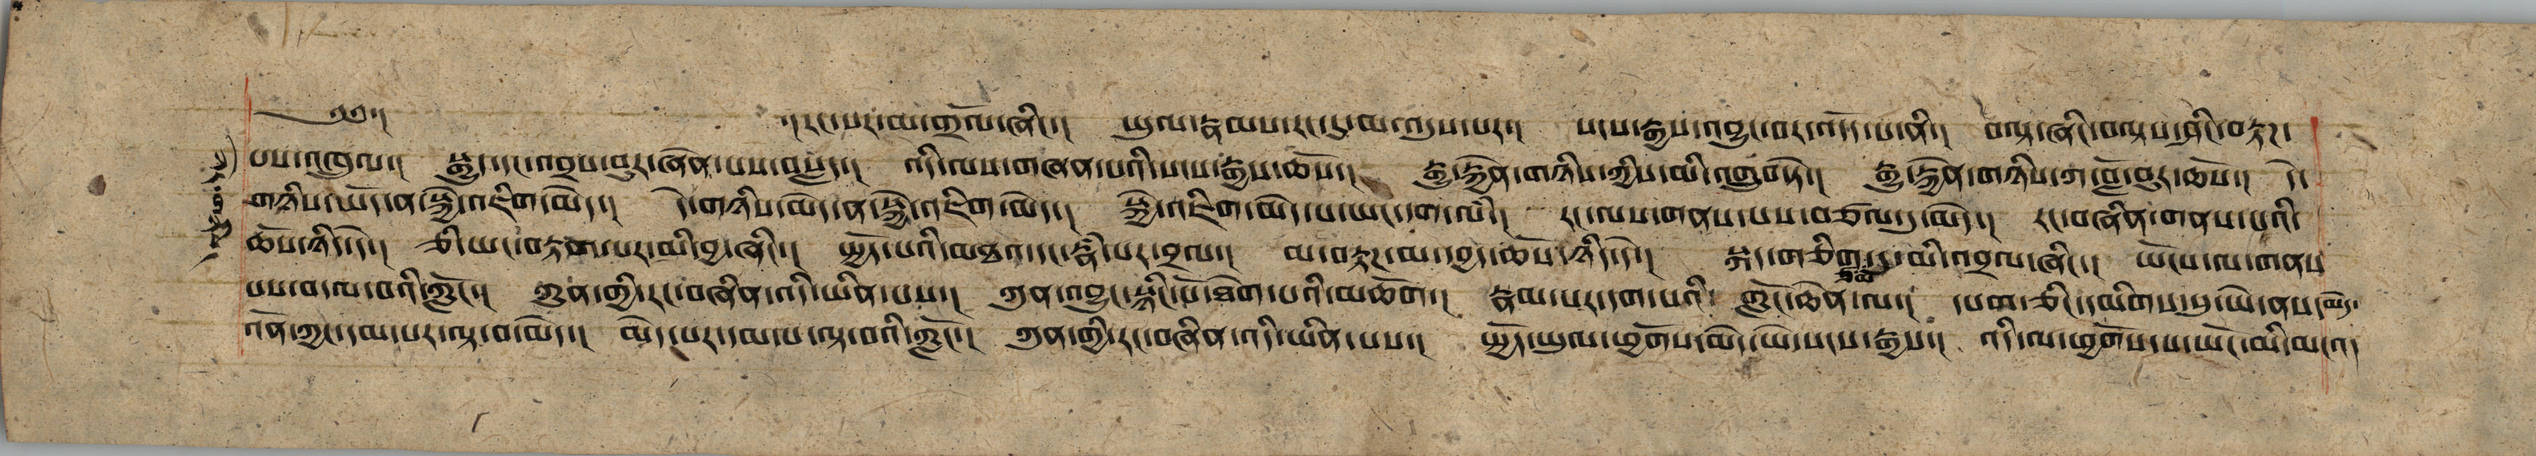དངརང་སར་མ་གྲོལ་ཞིང་། ཡུལ་རྣམས་རང་དུ་མ་འདུས་པར་། སངས་རྒྱས་འབྱུང་བར་འདོད་པ་ནི་། བལྟ་ཞིང་བལྟས་ཤིང་བརྟཌ་ །
ཨ་འཁྲུལ་། སྒྱུད་དང་འབྲས་བུར་ཞེན་པས་བསླད་། འདི་ལས་གཞན་པའི་སངས་རྒྱས་ཆོས་། རྒྱུ་རྐྱེན་གཉིས་ཀྱིས་མི་འགྲུབ་སྟེ་། རྒྱུ་རྐྱེན་གཉིས་ཀ་བློ་བུར་ཆོས་། དེ་
གཉིས་ཡོད་ན་སྐྱེ་འཇིག་མེད་། དེ་གཉིས་མེད་ན་སྐྱེ་འཇིག་མེད་། སྐྱེ་འཇིག་མེད་པ་ཡང་དག་ལཾ་། རང་ལས་གནས་པས་བཙལ་དུ་མེད་། རང་བཞིན་གནས་པའི་
ཆོས་ཉིད་དེ་། ཅི་ཡང་བརྟག་པར་མི་བྱ་ཞིང་། སྤྱོད་པའི་མཐའ་དང་རྣྃ་པར་བྲལ་། མ་བརྟཌ་མ་དབྱད་ཆོས་ཉིད་དེ་། སྐད་གཅིག་ཙམ་དུ་མི་འབྲལ་ཞིང་། ཡོངས་ལ་གནས་
པས་བདལ་བའི་ཀློང་། ཀུན་གྱི་རང་བཞིན་འདི་ཡིན་པས་། ཀུན་འབྱུང་སྙིང་པོ་ཐེག་པའི་མཆོག་། རྣམ་པར་དག་པའི་གློང་ཆེན་ལ་། དཔག་ཅིང་དམིགས་སུ་ཡེ་ནས་མེད་
འོན་ཀྱང་དམ་པར་ལྟ་བ་མེད་། མེད་པར་དམ་པ་ལྟ་བའི་ཀློང་། ཀུན་གྱི་རང་བཞིན་འདི་ཡིན་པས་། སྤྱོད་ཡུལ་ཕྱོགས་མེད་ཡེ་སངས་རྒྱས་། འདི་ལ་ཕྱོགས་སུ་སོང་མི་མངའ་